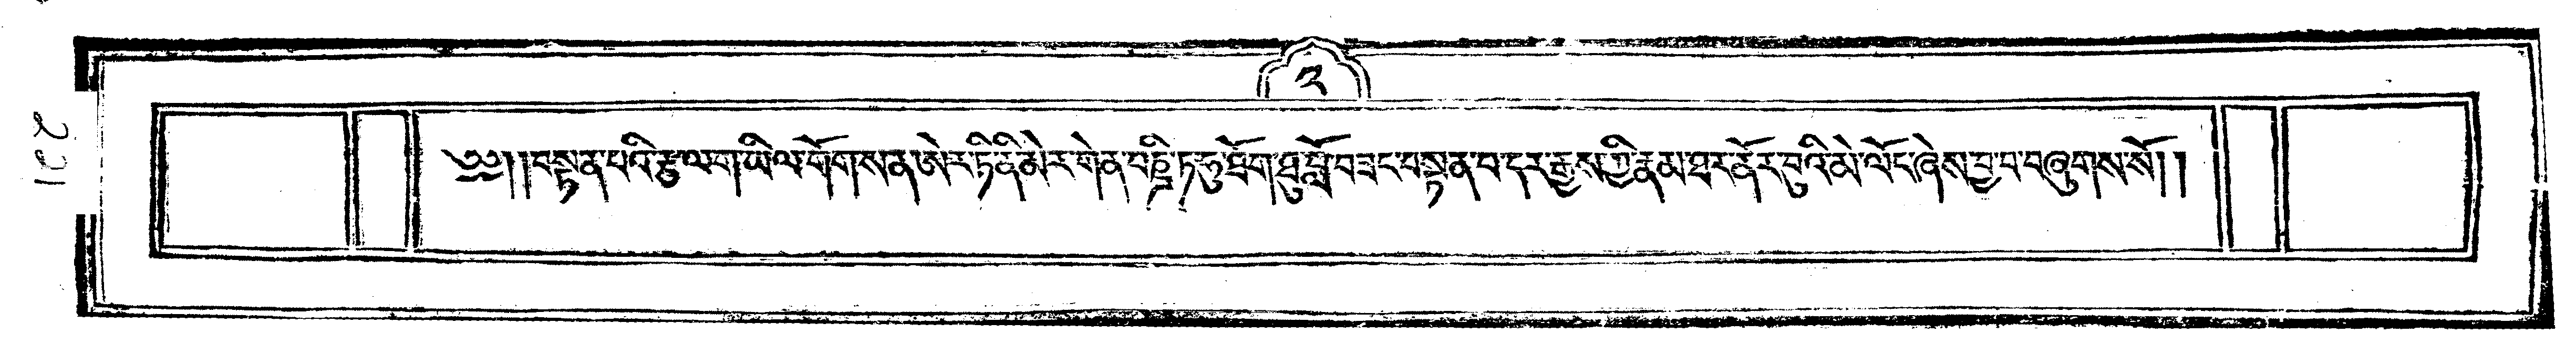༄༅། །བསྟན་པའི་རྩ་ལག་ཡིལ་གོགས་ན་ཨེར་ཏི་ནི་མེར་གེན་པཎྜི་ཏ་ཧུ་ཐོག་ཐུ་བློ་བཟང་བསྟན་པ་དར་རྒྱས་ཀྱི་རྣམ་ཐར་ནོར་བུའི་མེ་ལོང་ཞེས་བྱ་བ་བཞུགས་སོ། །